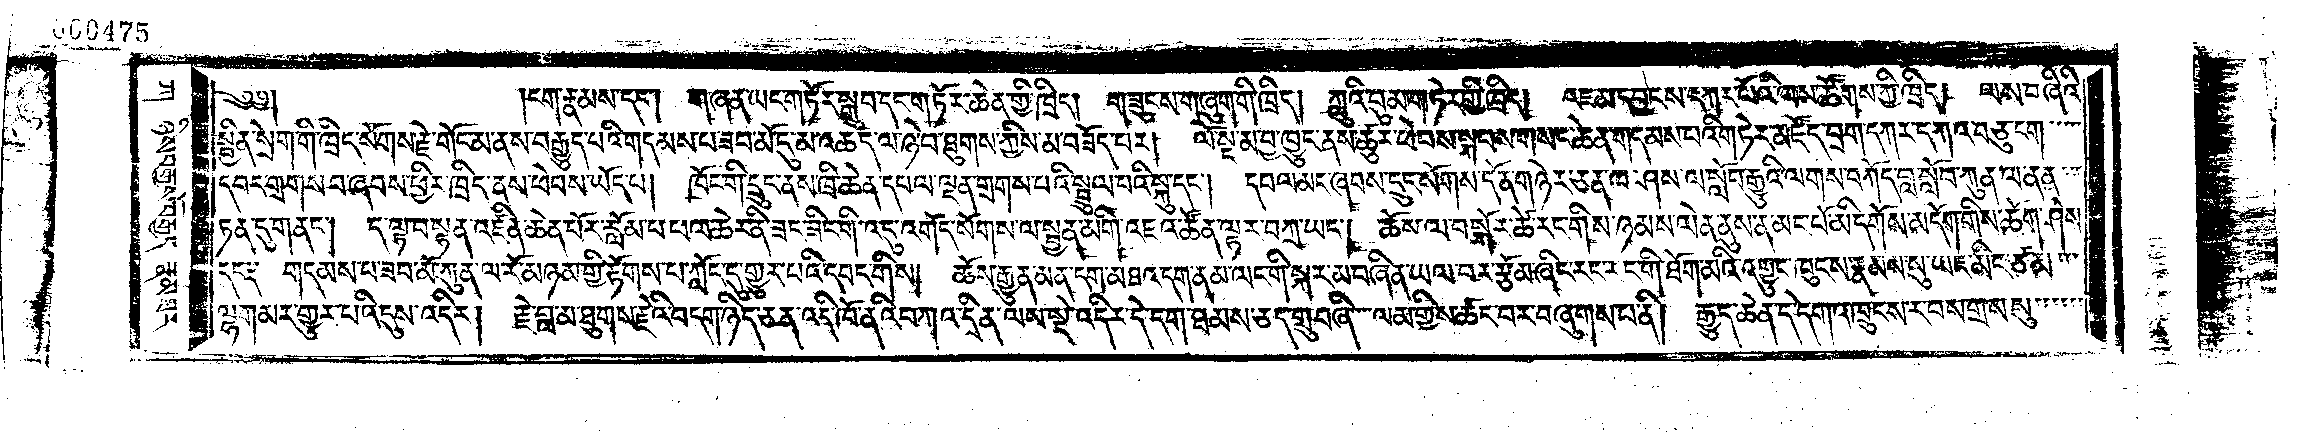༄༅། །ངག་རྣམས་དང་། གཞན་ཡང་གཏོར་སྒྲུབ་དང་གཏོར་ཆེན་གྱི་ཁྲིད། གཟུངས་གཞུག་གི་ཁྲིད། ཀླུའི་བུམ་གཏེར་གྱི་ཁྲིད། འཇམ་དབྱངས་དཀར་པོའི་ལས་ཚོགས་ཀྱི་ཁྲིད། ལས་བཞིའི་
སྤྱིན་སྲེག་གི་ཁྲིད་སོགས་རྗེ་གོང་མ་ནས་བརྒྱུད་པའི་གདམས་པ་ཟབ་མོ་དུ་མ་འཆད་ལ་ཉེ་བ་ཐུགས་ཀྱིས་མ་བཟོད་པར། ལོ་སྔ་མ་བྱ་ཁྱུང་ནས་ཚུར་ཕེབས་སྐབས་གསང་ཆེན་གདམས་པའི་གཏེར་མཛོད་བྲག་དཀར་དཀའ་བཅུ་ངག་
དབང་གྲགས་པ་ཞབས་ཕྱིར་ཁྲིད་ནས་ཕེབས་ཡོད་པ། ཁོང་གི་དྲུང་ནས་ཁྲི་ཆེན་དཔལ་ལྡན་གྲགས་པའི་སྤྲུལ་པའི་སྐུ་དང་། དཔལ་མང་ཞབས་དྲུང་སོགས་དོན་གཉེར་ཅན་ཁ་ཤས་ལ་སློབ་རྒྱུའི་ལྗགས་བཀོད་བླ་སློབ་ཀུན་ལ་ནན་
ཏན་དུ་གནང་། ད་ལྟ་བསྟན་འཛིན་ཆེན་པོར་རློམ་པ་ཕལ་ཆེར་ནི་ཟང་ཟིང་གི་འདུ་འགོད་སོགས་ལ་སྤྱན་མིག་འཇའ་ཚོན་ལྟར་བཀྲ་ཡང་། ཆོས་ལ་བསྐོར་ཚེ་རང་གིས་ཉམས་ལེན་ནུས་ན་མང་པོ་མི་དགོས་མདོག་གིས་ཆོག་ཤེས་
དང༑ གདམས་པ་ཟབ་མོ་ཀུན་ལ་རོ་མཉམ་གྱི་རྟོགས་པ་ཀློང་དུ་གྱུར་པའི་དབང་གིས། ཆོས་རྒྱུན་མན་ངག་མཐའ་དག་ནམ་ལང་གི་སྐར་མ་བཞིན་ཡལ་བར་རྩོམ་ཞིང་རང་རང་གི་ཐོག་མའི་འབྱུང་ཁུངས་རྣམས་སུ་ཡང་མིང་ཙམ་
ལྷག་མར་གྱུར་བའི་དུས་འདིར། རྗེ་བླ་མ་ཐུགས་རྗེའི་བདག་ཉིད་ཅན་འདི་ཁོ་ནའི་བཀའ་དྲིན་ལས་སྡེ་འདིར་དེ་དག་ཐམས་ཅད་གྲུ་བཞི་ལམ་གྱིས་ཚང་བར་བཞུགས་པ་ནི། རྒྱུད་ཆེན་དེ་དག་འཁྲུངས་རབས་གྲས་སུ་